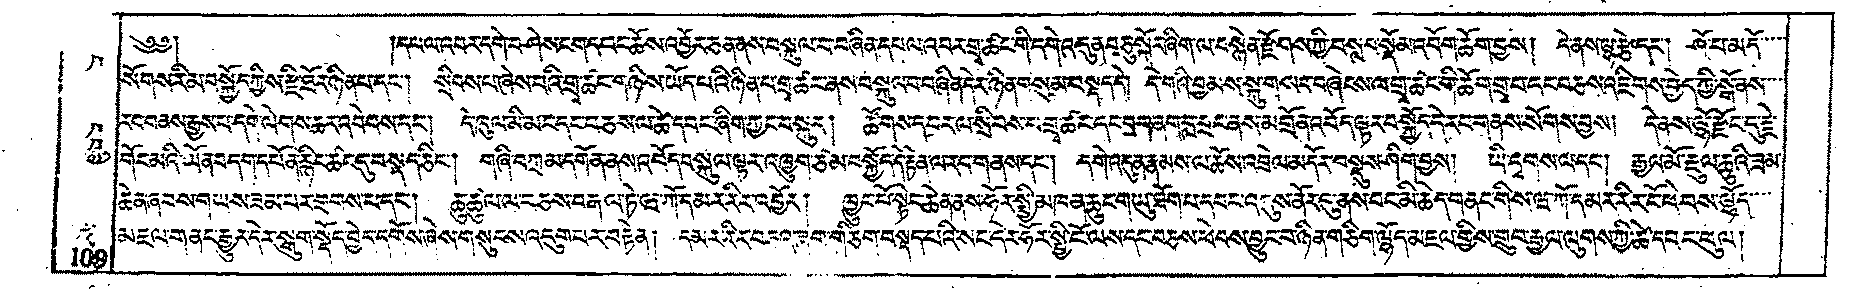༄༅། །དཔལ་འབར་དགེ་བཤེས་ངག་དབང་ཆོས་འབྱོར་ཅན་ནས་བསྐུལ་བ་བཞིན་དཔལ་འབར་གྲྭ་ཚང་གི་དགེ་འདུན་བཅུ་སྐོར་ཞིག་ལ་བསྙེན་རྫོགས་ཀྱི་བསླབ་པ་སྡོམ་འབོག་ཆོག་བྱས། དེ་ནས་ལྷ་རྩེ་དང་། ཤོ་པ་མདོ་
སོགས་རིམ་བསྐྱོད་ཀྱིས་རྫི་ཐོར་ཉིན་པ་དང་། སྲིབས་པ་ཞེས་པའི་གྲྭ་ཚང་གཉིས་ཡོད་པའི་ཉིན་པ་གྲྭ་ཚང་ནས་བསྐུལ་བ་བཞིན་དེར་ཉིན་གསུམ་བསྡད་དེ། དེ་གའི་བྱམས་སྐུ་གསར་བཞེངས་ལ་གྲྭ་ཚང་གི་ཆོག་གྲྭ་བ་དང་བཅས་འཇིགས་བྱེད་ཀྱི་སྒོ་ནས་
རབ་གནས་རྒྱས་པ་དགེ་ལེགས་ཆར་འབེབས་དང་། དེ་ཁུལ་མི་མང་དང་བཅས་ལ་ཚེ་དབང་ཞིག་ཀྱང་བསྐུར། ཚོགས་དབར་ལ་སྲིབས་པ་གྲྭ་ཚང་དང་བྲག་ནག་བླ་བྲང་ནས་མགྲོན་འབོད་ལྟར་བསྐྱོད་དེ་རབ་གནས་སོགས་བྱས། དེ་ནས་ལྷོ་རྫོང་དུ་རྗེ་
གོང་མའི་ཡོན་བདག་དཔོན་རྙིང་ཚང་དུ་བསྡད་ཅིང་། གཞི་བཀྲམ་དགོན་ནས་འབོད་བསྐུལ་ལྟར་འཁྱུག་ཙམ་བསྐྱོད་དེ་རྟེན་ལ་རབ་གནས་དང་། དགེ་འདུན་རྣམས་ལ་ཆོས་འབྲེལ་མདོར་བསྡུས་ཤིག་བྱས། ཡི་དྭགས་ལ་དང་། རྒྱལ་མོ་རྔུལ་ཆུའི་ཟམ་
ཆེན་ཞབས་གཡས་ཟམ་པར་གྲགས་པ་དང་། ཆུ་ཚུལ་ལ་བཅས་བརྒལ་ཏེ་ཝ་ཀོ་དམར་རིར་འབྱོར། ཁྱུང་པོ་སྟེང་ཆེན་ནས་ཧོར་སྤྱི་མཁན་ཆུང་གཡུ་ཐོག་པ་དབང་འདུས་ནོར་བུ་ནས་བང་མི་ཆེད་གནང་གིས་ཝ་ཀོ་དམར་རིར་ངོ་ཕེབས་ལྷོད་
མཇལ་གནང་རྒྱུར་དེར་སྒུག་སྡོད་བྱེད་དགོས་ཞེས་གསུངས་འདུག་པར་བརྟེན། དམར་རིར་བཅའ་ཞག་གཅིག་བསྡད་པའི་སང་དེར་ཧོར་སྤྱི་ངོ་ལས་དང་བཅས་ཕེབས་བྱུང་བ་ཉིན་གཅིག་ལྷོད་མཇལ་གྱིས་གྲུབ་རྒྱལ་ལུགས་ཀྱི་ཚེ་དབང་ཕུལ།